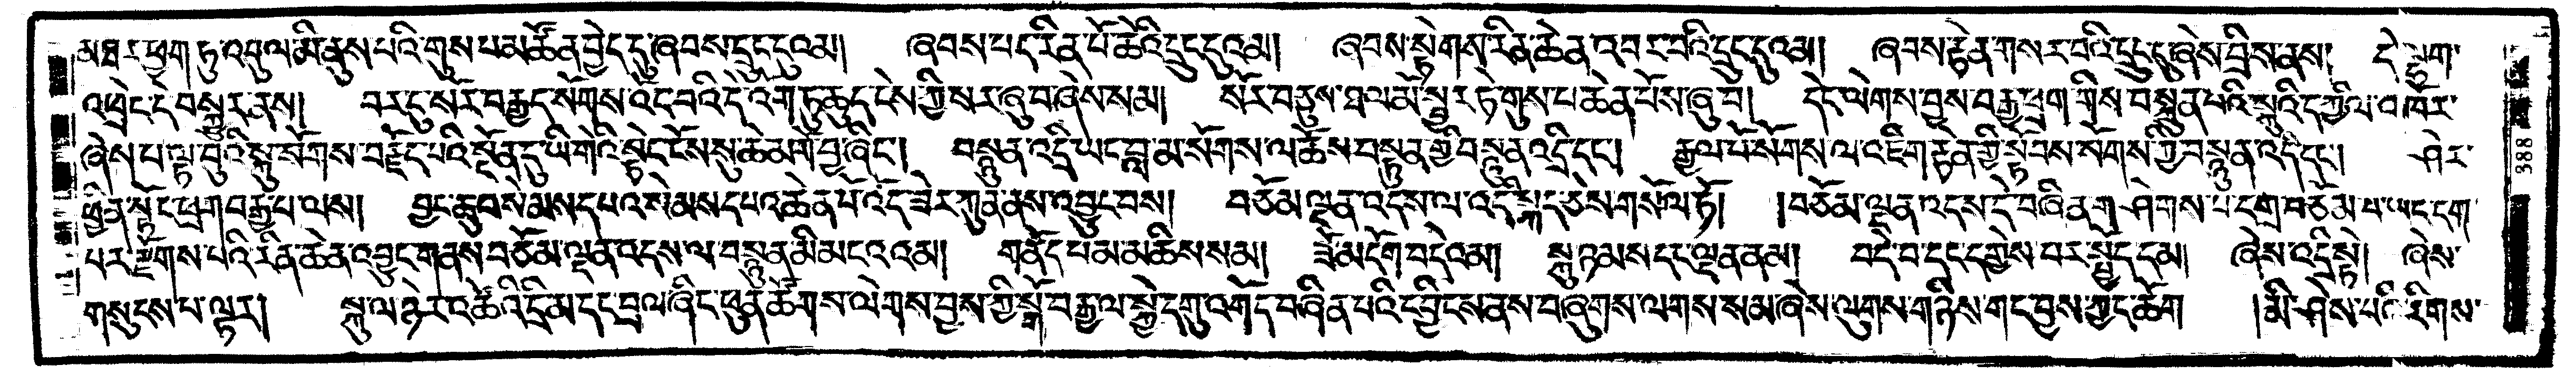མཐར་ཕྱག་ཏུ་འབུལ་མི་ནུས་པའི་གུས་པ་མཚོན་བྱེད་དུ་ཞབས་དྲུང་དུའམ། ཞབས་པད་རིན་པོ་ཆེའི་དྲུང་དུའམ། ཞབས་སྟེགས་རིན་ཆེན་འབར་བའི་དྲུང་དུའམ། ཞབས་རྟེན་གསར་བའི་དྲུང་དུ་ཞེས་བྲིས་ནས། དེ་ལྷག་
འཕྲེང་དེ་བསྐྱུར་ནས། བར་དུ་སོར་བརྒྱད་སོགས་འོད་བའི་དེ་འོག་ཏུ་ཆུད་ངེས་ཀྱི་སར་ཞུ་བ་ཞེས་སམ། སོར་བཅུས་ཐལ་མོ་སྦྱར་ཏེ་གུས་པ་ཆེན་པོས་ཞུ་བ། དེང་ལེགས་བྱས་བརྒྱ་ཕྲག་གིས་བསྐྲུན་པའི་སྐུའི་དཀྱིལ་འཁོར་
ཞེས་པ་ལྟ་བུའི་སྐུ་སོགས་བརྗོད་པའི་སྔོན་དུ་ཡི་གེའི་སྟེང་ངོས་སུ་ཆེ་མགོ་བྱ་ཞིང་། བསྙུན་འདྲི་ཡང་བླ་མ་སོགས་ལ་ཆོས་བསྟུན་གྱི་བསྙུན་འདྲི་དང་། རྒྱལ་པོ་སོགས་ལ་འཇིག་རྟེན་གྱི་སྟོབས་སོགས་ཀྱི་བསྙུན་འདི་དང་། ཤེར་
ཕྱིན་སྟོང་ཕྲག་བརྒྱ་པ་ལས། བྱང་ཆུབ་སེམས་དཔའ་སེམས་དཔའ་ཆེན་པོ་འོད་ཟེར་ཀུན་ནས་འབྱུང་བས། བཅོམ་ལྡན་འདས་ལ་འདི་སྐད་ཅེས་གསོལ་ཏོ། །བཅོམ་ལྡན་འདས་དེ་བཞིན་གཤེགས་པ་དགྲ་བཅོམ་པ་ཡང་དག་
པར་རྫོགས་པའི་རིན་ཆེན་འབྱུང་གནས་བཅོམ་ལྡན་འདས་ལ་བསྙུན་མི་མངའ་འམ། གནོད་པམ་མཆིས་སམ། ཟོ་མདོག་བདེའམ། སྐུ་ཉམས་དང་ལྡན་ནམ། བདེ་བ་དང་དགྱེས་པར་སྤྱོད་དམ། ཞེས་འདྲི་སྟེ། ཞེས་
གསུངས་པ་ལྟར། སྐུ་ལ་ཉེར་འཚེའི་དྲི་མ་དང་བྲལ་ཞིང་ཕུན་ཚོགས་ལེགས་བྱས་ཀྱི་སྒོ་བརྒྱ་ལ་སྐྱེ་དགུ་འགོད་བཞིན་པའི་དབྱིངས་ནས་བཞུགས་ལགས་སམ་ཞེས་ལུགས་གཉིས་གང་བྱས་ཀྱང་ཆོག །མི་ཤེས་པའི་རིགས་